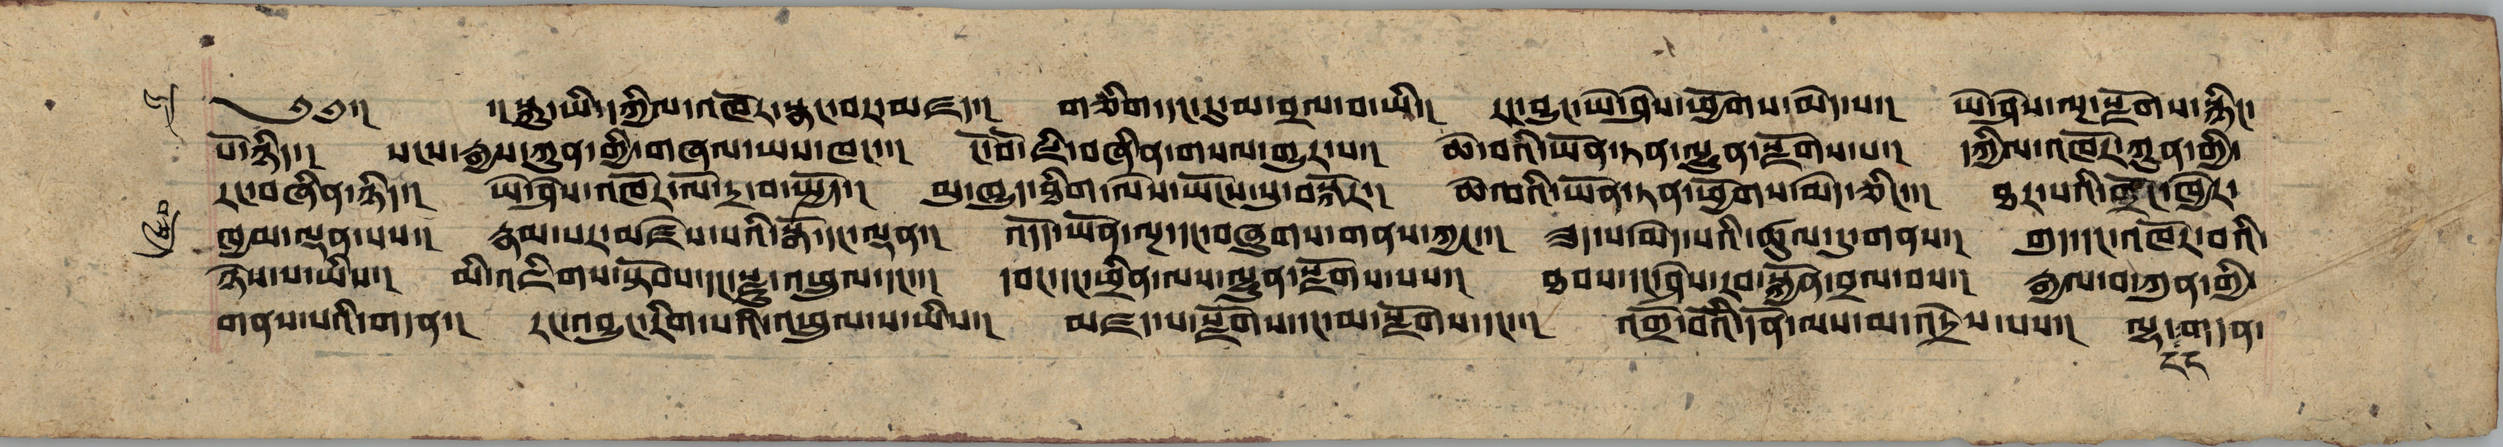༄༅་། ་། སྐུ་ཡི་དཀྱིལ་འཁོར་སྣང་བར་མཛད་། གཅིག་དང་དུ་མ་བྲལ་བ་ཡི་། རང་བྱུང་ཡེ་ཤེས་ཕྱོགས་མེད་པ་། ཡེ་ཤེས་ལྔ་སྫོགས་སྙིང་
པོ་ཉིད་། སངས་རྒྱས་ཀུན་གྱི་གཞལ་ཡས་ཁང་་། ངོ་བོ་ཇི་བཞིན་གསལ་གྱུར་པ་། ཆེ་བའི་ཡོན་ཏན་ལྷུན་སྫོགས་པ་། དཀྱིལ་འཁོར་ཀུན་གྱི་
རང་བཞིན་ཉིད་། ཡེ་ཤེས་འཁོར་ལོ་དྲ་བ་སྤྱོད་། མུ་ཁྱུད་ཐིག་ལེས་ཡོངས་སུ་བསྐོར་། ཆེ་བའི་ཡོན་ཏན་ཕྱོགས་མེད་ཅིང་་། ཐར་པའི་གྲོང་ཁྱེར་
ཁྱམ་ལྡན་པས་། རྣམ་པར་མཛེས་པའི་སྒོ་དང་ལྡན་། འདོད་ཡོན་ལྔ་དང་བཞུགས་གནས་ཀྱང་་། ཟད་པ་མེད་པའི་ཚུལ་དུ་གནས་། གུད་དང་འཁོར་བའི་
ཉེས་པ་ཡིས་། མི་འཇིགས་སྟོབས་དང་སྫུ་འཕྲུལ་དང་་། དབང་དང་ཕྲིན་ལས་ལྷུན་སྫོགས་པས་། ཐབས་དང་ཤེས་རབ་སྐྱོན་བྲལ་བས་། རྒྱལ་བ་ཀུན་གྱི་
གནས་པའི་གདན་། རང་འབྱུང་རིག་པའི་འཕྲུལ་པ་ཡིས་། མཛད་པ་སྫོགས་དང་མ་སྫོགས་དང་་། འགྲོ་བའི་དོན་ལས་མ་འདྲེས་པས་། ལྷ་གདན་